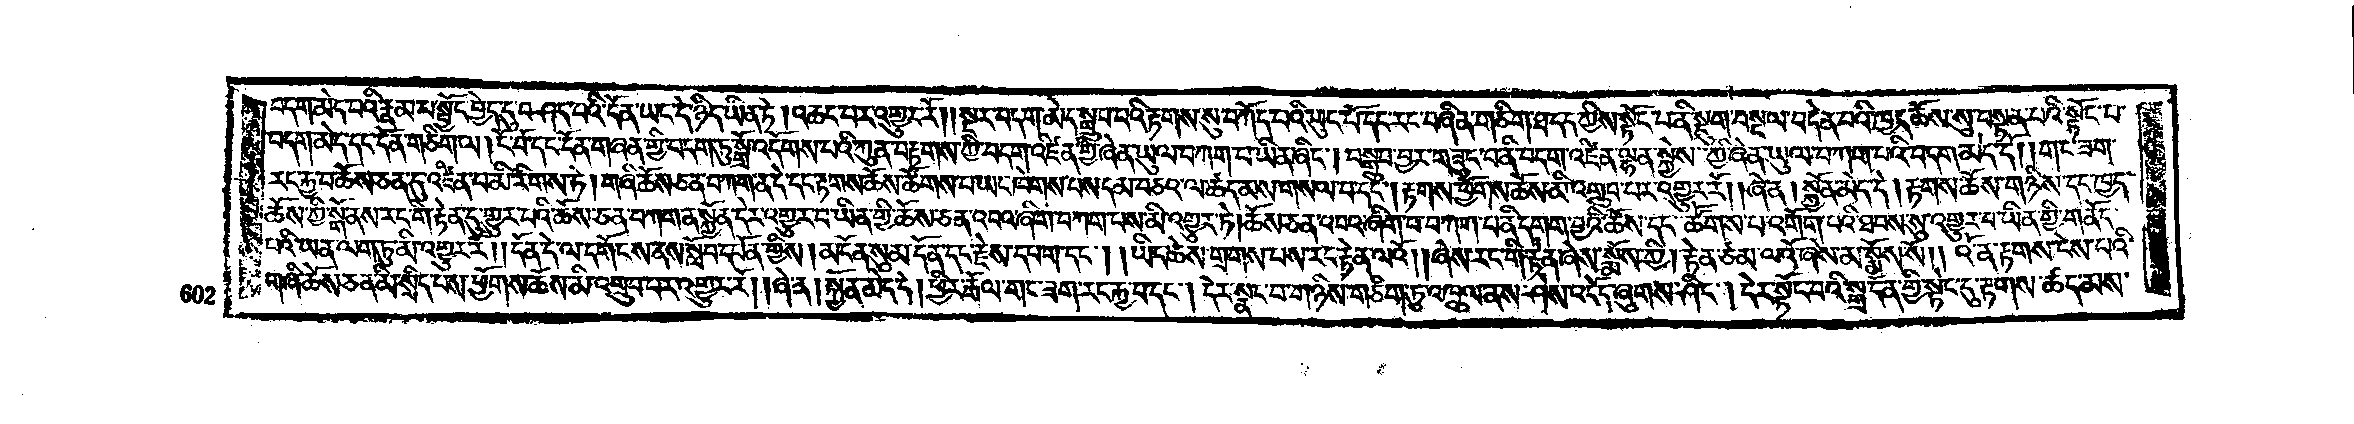བདག་མེད་པའི་རྣམ་པ་སྦྱོང་བྱེད་དུ་བཤད་པའི་དོན་ཡང་དེ་ཉིད་ཡིན་ཏེ། འཆད་པར་འགྱུར་རོ། །སྔར་བདག་མེད་སྒྲུབ་པའི་རྟགས་སུ་བཀོད་པའི་ཕུང་པོ་དང་རང་བཞིན་གཅིག་ཐ་དད་ཀྱིས་སྟོང་བ་ནི་སྡུག་བསྔལ་བདེན་པའི་ཁྱད་ཆོས་སུ་བསྟན་པའི་སྟོང་བ་
བདག་མེད་དང་དོན་གཅིག་ལ། ངོ་བོ་དང་དོན་གཞན་གྱི་བདག་ཏུ་སྒྲོ་འདོགས་པའི་ཀུན་བརྟགས་ཀྱི་བདག་འཛིན་གྱི་ཞེན་ཡུལ་བཀག་པ་ཡིན་ཞིང་། བསྒྲུབ་བྱར་གཟུང་བ་ནི་བདག་འཛིན་ལྷན་སྐྱེས་ཀྱི་ཞེན་ཡུལ་བཀག་པའི་བདག་མེད་དོ། །གང་ཟག་
རང་རྐྱ་བ་ཆོས་ཅན་དུ་འཛིན་པ་མི་རིགས་ཏེ། གཞི་ཆོས་ཅན་བཀག་ན་དེ་དང་རྟགས་ཆོས་ཚོགས་པ་ཡང་ཁེགས་པས་དམ་བཅའ་ལ་ཚད་མས་གསལ་བ་དང་། རྟགས་ཕྱོགས་ཆོས་མི་འགྲུབ་པར་འགྱུར་རོ། །ཞེ་ན། སྐྱོན་མེད་དེ། རྟགས་ཆོས་གཉིས་དང་ཁྱད་
ཆོས་ཀྱི་སྒོ་ནས་རང་གི་རྟེན་དུ་གྱུར་པའི་ཆོས་ཅན་བཀག་ན་སྐྱོན་དེར་འགྱུར་བ་ཡིན་གྱི་ཆོས་ཅན་འབའ་ཞིག་བཀག་པས་མི་འགྱུར་ཏེ། ཆོས་ཅན་འབའ་ཞིག་པ་བཀག་པ་ནི་དགག་བྱའི་ཆོས་དང་ཚོགས་པ་འགོག་པའི་ཐབས་སུ་འགྱུར་བ་ཡིན་གྱི་གནོད་
པའི་ཡན་ལག་ཏུ་མི་འགྱུར་རོ། །དོན་དེ་ལ་དགོངས་ནས་སློབ་དཔོན་གྱིས། མངོན་སུམ་དོན་དང་རྗེས་དཔག་དང་། །ཡིད་ཆོས་གྲགས་པས་རང་རྟེན་ལའོ། །ཞེས་རང་གི་རྟེན་ཞེས་སྨོས་ཀྱི། རྟེན་ཙམ་ལའོ་ཞེས་མ་སྨོས་སོ། །འོ་ན་རྟགས་ངེས་པའི་
གཞི་ཆོས་ཅན་མི་སྲིད་པས་ཕྱོགས་ཆོས་མི་འགྲུབ་པར་འགྱུར་རོ། །ཞེ་ན། སྐྱོན་མེད་དེ། ཕྱིར་རྒོལ་གང་ཟག་རང་རྐྱ་བ་དང་། དེར་སྣང་བ་གཉིས་གཅིག་ཏུ་འཁྲུལ་ནས་ཤེས་འདོད་ཞུགས་ཤིང་། དེར་སྟོང་བའི་སྒྲ་དོན་གྱི་སྟེང་དུ་རྟགས་ཚད་མས་